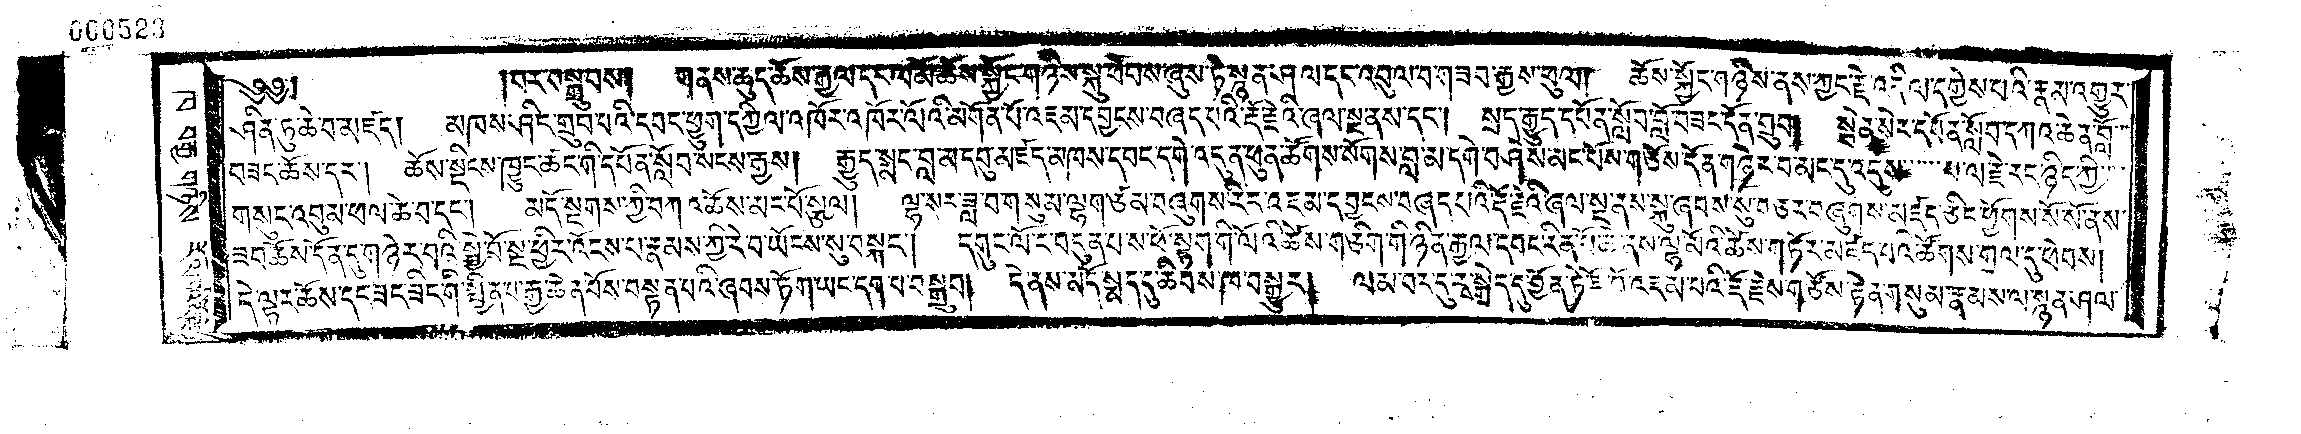༄༅། །བར་བསྒྲུབས། གནས་ཆུད་ཆོས་རྒྱལ་དང་ལ་མོ་ཆོས་སྐྱོང་གཉིས་སྐུ་ཕེབས་ཞུས་ཏེ་སྙན་ཤལ་དང་འབུལ་བ་གཟབ་རྒྱས་ཕུལ། ཆོས་སྐྱོང་གཉིས་ནས་ཀྱང་རྗེ་འདི་ལ་དགྱེས་པའི་རྣམ་འགྱུར་
ཤིན་ཏུ་ཆེ་བ་མཛད། མཁས་ཤིང་གྲུབ་པའི་དབང་ཕྱུག་དཀྱིལ་འཁོར་འཁོར་ལོའི་མགོན་པོ་འཇམ་དབྱངས་བཞད་པའི་རྡོ་རྗེའི་ཞལ་སྔ་ནས་དང་། སྲད་རྒྱུད་དཔོན་སློབ་བློ་བཟང་དོན་གྲུབ། སྦེན་སེར་དཔོན་སློབ་དཀའ་ཆེན་བློ་
བཟང་ཆོས་དར། ཆོས་སྡིངས་ཁྱུང་ཚང་གི་དཔོན་སློབ་སངས་རྒྱས། རྒྱུད་སྨད་བླ་མ་དབུ་མཛད་མཁས་དབང་དགེ་འདུན་ཕུན་ཚོགས་སོགས་བླ་མ་དགེ་བཤེས་མང་པོས་གཙོས་དོན་གཉེར་བ་མང་དུ་འདུས་པ་ལ་རྗེ་རང་ཉིད་ཀྱི་
གསུང་འབུམ་ཕལ་ཆེ་བ་དང་། མདོ་སྔགས་ཀྱི་བཀའ་ཆོས་མང་པོ་སྩལ། ལྷ་སར་ཟླ་བ་གསུམ་ལྷག་ཙམ་བཞུགས་རིང་འཇམ་དབྱངས་བཞད་པའི་རྡོ་རྗེའི་ཞལ་སྔ་ནས་སྐུ་ཞབས་སུ་བཅར་བཞུགས་མཛད་ཅིང་ཕྱོགས་སོ་སོ་ནས་
ཟབ་ཆོས་དོན་དུ་གཉེར་བའི་སྐྱེ་པོ་སྔ་ཕྱིར་འོངས་པ་རྣམས་ཀྱི་རེ་བ་ཡོངས་སུ་བསྐང་། དགུང་ལོ་ང་བདུན་པས་ཕོ་སྟག་གི་ལོའི་ཚེས་གཅིག་གི་ཉིན་རྒྱལ་དབང་རིན་པོ་ཆེ་ནས་ལྷ་མོའི་ཚེས་གཏོར་མཛད་པའི་ཚོགས་གྲལ་དུ་ཕེབས།
དེ་ལྟར་ཆོས་དང་ཟང་ཟིང་གི་སྦྱིན་པ་རྒྱ་ཆེན་པོས་བསྟན་པའི་ཞབས་ཏོག་ཡང་དག་པ་བསྒྲུབ། དེ་ནས་མདོ་སྨད་དུ་ཆི་བས་ཁ་བསྒྱུར། ལམ་བར་དུ་རྭ་སྒྲེད་དུ་བྱོན་ཏེ་ཇོ་བོ་འཇམ་པའི་རྡོ་རྗེས་གཙོས་རྟེན་གསུམ་རྣམས་ལ་སྙན་ཤལ་